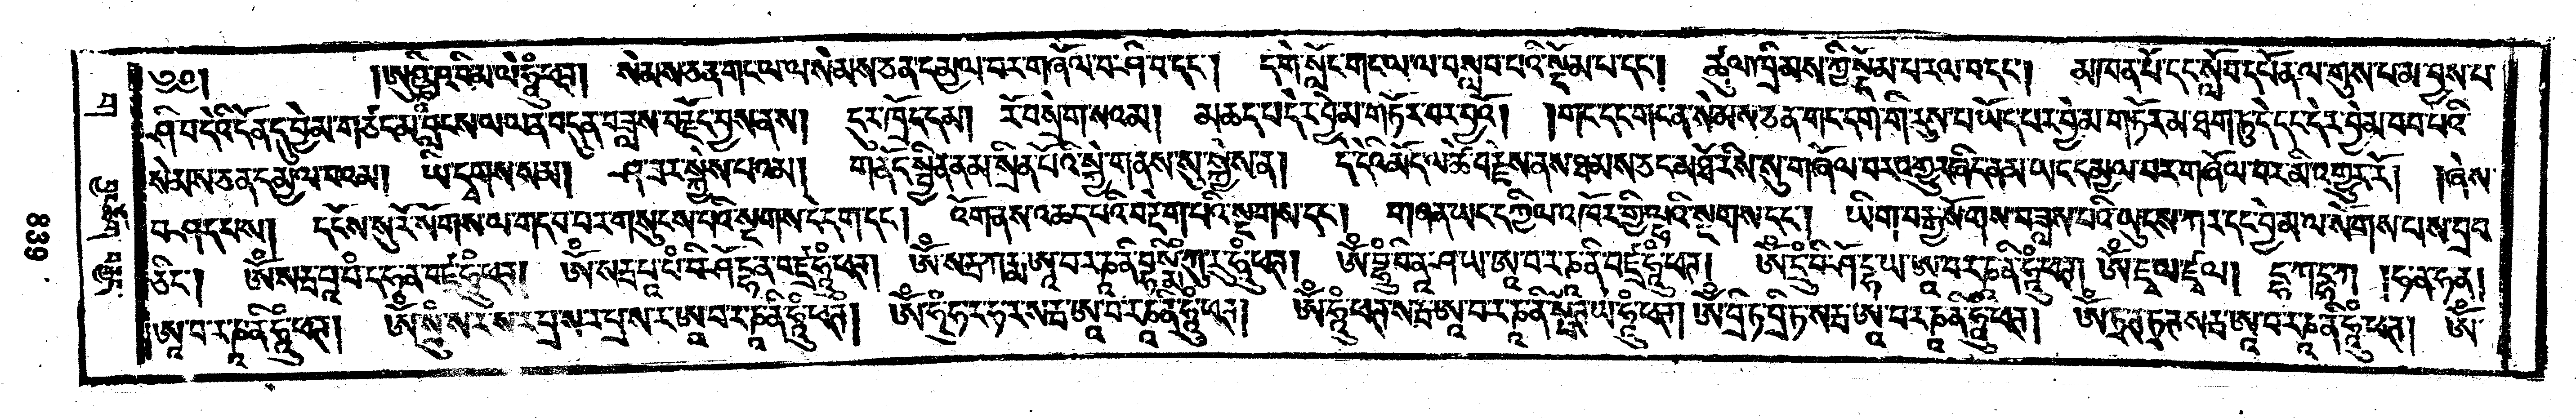༄༅། །ཨུཥྞི་ཥ་བི་མ་ལེ་ཧཱུཾ་ཕཊ། སེམས་ཅན་གང་ལ་ལ་སེམས་ཅན་དམྱལ་བར་གཞོལ་བ་ཤི་བ་དང་། དགེ་སློང་གང་ལ་ལ་བསླབ་པའི་སྔོམ་པ་དང་། ཚུལ་ཁྲིམས་ཀྱི་སྡོམ་པ་རལ་བ་དང་། མཁན་པོ་དང་སློབ་དཔོན་ལ་གུས་པ་མ་བྱས་པ་
ཤི་བ་དེའི་དོན་དུ་བྱེ་མ་གཙང་མ་བླངས་ལ་ལན་བདུན་བཟླས་བརྗོད་བྱས་ནས། དུར་ཁྲོད་དམ། རོ་བསྲེག་སའམ། མཆད་པ་དེར་བྱེ་མ་གཏོར་བར་བྱའོ། །གང་དང་གང་ན་སེམས་ཅན་གང་དག་གི་རུས་པ་ཡོད་པར་བྱེ་མ་གཏོར་མ་ཐག་ཏུ་དེ་དང་དེར་བྱེ་མ་བབ་པའི་
སེམས་ཅན་དམྱལ་བའམ། ཡི་དྭགས་སམ། ཤ་ཟར་སྐྱེས་པའམ། གནོད་སྦྱིན་ནམ་སྲིན་པོའི་སྐྱེ་གནས་སུ་སྐྱེས་ན། དེ་དེའི་མོད་ལ་ཚེ་བརྗེས་ནས་ཐམས་ཅད་མཐོ་རིས་སུ་གཞོལ་བར་འགྱུར་ཞིང་ནམ་ཡང་དམྱལ་བར་གཞོལ་བར་མི་འགྱུར་རོ། །ཞེས་
བཤད་པས། དངོས་སུ་རོ་སོགས་ལ་གདབ་པར་གསུངས་པའི་སྔགས་དེ་དག་དང་། འོག་ནས་འཆད་པའི་བརྡེག་པའི་སྔགས་དང་། གཞན་ཡང་དཀྱིལ་འཁོར་གྱི་ལྷའི་སྔགས་དང་། ཡིག་བརྒྱ་སོགས་བཟླས་པའི་ཡུངས་ཀར་དང་བྱེ་མ་ལ་སོགས་པས་བྲ་བ་
ཅིང་། ཨོཾ་སརྦ་བཱ་བཾ་ད་ཧ་ན་བཛྲ་ཧཱུཾ་ཕཊ། ཨོཾ་སརྦ་པཱ་པཾ་བི་ཤོ་དྷ་ན་བཛྲ་ཧཱུཾ་ཕཊ། ཨོཾ་སརྦ་ཀརྨ་ཨཱ་བར་ཎཱ་ནི་བྷ་སྨིཾ་ཀུ་རུ་ཧཱུཾ་ཕཊ། ཨོཾ་བྷྲུཾ་བི་ནཱ་ཤ་ཡ་ཨཱ་བ་ར་ཎཱ་ནི་བཛྲ་ཧཱུཾ་ཕཊ། ཨོཾ་དྲུཾ་བི་ཤོ་དྷ་ཡ་ཨཱ་བར་ཎཱ་ནི་ཧཱུཾ་ཕཊ། ཨོཾ་ཛྭ་ལ་ཛྭལ། དྷ་ཀ་དྷ་ཀ །ཧ་ན་ཧན།
ཨཱ་བ་ར་ཎཱ་ནི་ཧཱུཾ་ཕཊ། ཨོཾ་སྲུཾ་ས་ར་ས་ར་པྲ་ས་ར་པྲ་ས་ར་ཨཱ་བ་ར་ཎཱ་ནི་ཧཱུཾ་ཕཊ། ཨོཾ་ཧུཾ་ཧ་ར་ཧ་ར་སརྦ་ཨཱ་བ་ར་ཎཱ་ནི་ཧཱུཾ་ཕཊ། ཨོཾ་ཧཱུཾ་ཕཊ་སརྦ་ཨཱ་བ་ར་ཎཱ་ནི་སྤཊ་ཡ་ཧཱུཾ་ཕཊ། ཨོཾ་བྲི་ཏ་བྲི་ཏ་སརྦ་ཨཱ་བ་ར་ཎཱ་ནི་ཧཱུཾ་ཕཊ། ཨོཾ་